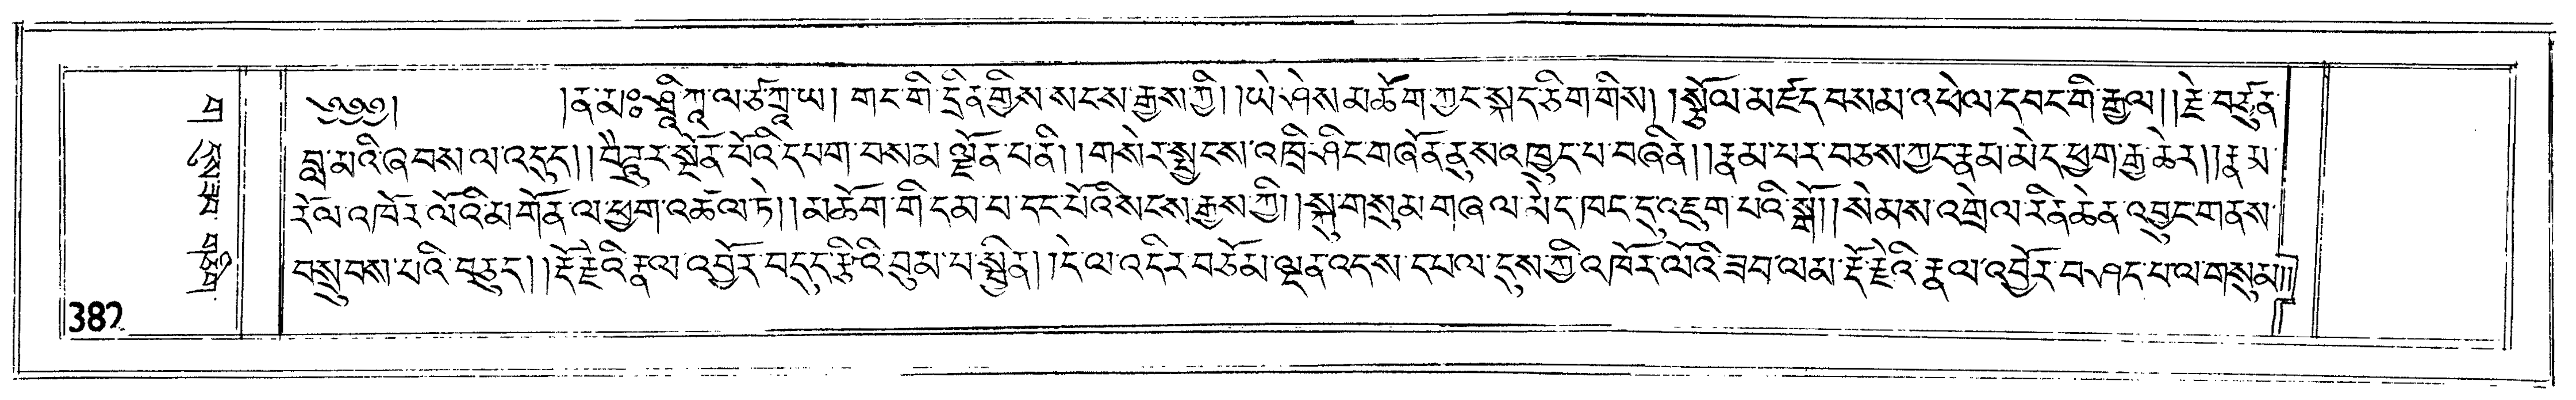༄༅༅། །ན་མཿ ཤྲཱི་ཀཱ་ལ་ཙ་ཀྲཱ་ཡ། གང་གི་དྲིན་གྱིས་སངས་རྒྱས་ཀྱི། །ཡེ་ཤེས་མཆོག་ཀྱང་སྐད་ཅིག་གིས། །སྩོལ་མཛད་བསམ་འཕེལ་དབང་གི་རྒྱལ། །རྗེ་བཙུན་
བླ་མའི་ཞབས་ལ་འདུད། །བཻཌཱུར་སྔོན་པོའི་དཔག་བསམ་ལྗོན་པ་ནི། །གསེར་སྦྱངས་འཁྲི་ཤིང་གཞོན་ནུས་འཁྱུད་པ་བཞིན། །རྣམ་པར་བཅས་ཀྱང་རྣམ་མེད་ཕྱག་རྒྱ་ཆེར། །རྣམ་
རོལ་འཁོར་ལོའི་མགོན་ལ་ཕྱག་འཚལ་ཏེ། །མཆོག་གི་དམ་པ་དང་པོའི་སངས་རྒྱས་ཀྱི། །སྐུ་གསུམ་གཞལ་མེད་ཁང་དུ་འཇུག་པའི་སྒོ། །སེམས་འགྲེལ་རིན་ཆེན་འབྱུང་གནས་
བསྲུབས་པའི་བཅུད། །རྡོ་རྗེའི་རྣལ་འབྱོར་བདུད་རྩིའི་བུམ་པ་སྦྱིན། །དེ་ལ་འདིར་བཅོམ་ལྡན་འདས་དཔལ་དུས་ཀྱི་འཁོར་ལོའི་ཟབ་ལམ་རྡོ་རྗེའི་རྣལ་འབྱོར་བཤད་པ་ལ་གསུམ།།